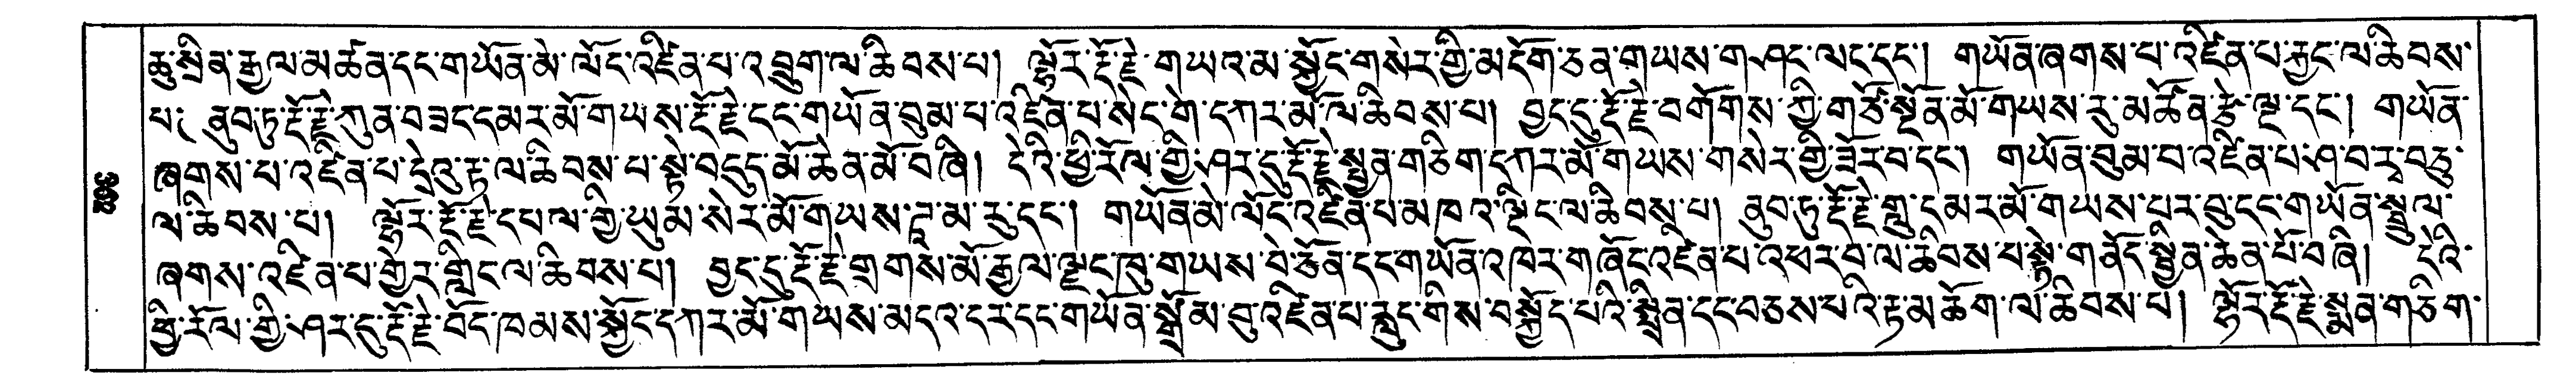ཆུ་སྲིན་རྒྱལ་མཚན་དང་གཡོན་མེ་ལོང་འཛིན་པ་འབྲུག་ལ་ཆིབས་པ། ལྷོར་རྡོ་རྗེ་གཡའ་མ་སྐྱོང་གསེར་གྱི་མདོག་ཅན་གཡས་གཤང་ལང་དང་། གཡོན་ཞགས་པ་འཛིན་པ་རྐྱང་ལ་ཆིབས་
པ༑ ནུབ་ཏུ་རྡོ་རྗེ་ཀུན་བཟང་དམར་མོ་གཡས་རྡོ་རྗེ་དང་གཡོན་བུམ་པ་འཛིན་པ་སེང་གེ་དཀར་མོ་ལ་ཆིབས་པ། བྱང་དུ་རྡོ་རྗེ་བགེགས་ཀྱི་གཙོ་སྔོན་མོ་གཡས་རུ་མཚོན་རྩེ་ལྔ་དང་། གཡོན་
ཞགས་པ་འཛིན་པ་དྲེའུ་རྟ་ལ་ཆིབས་པ་སྟེ་བདུད་མོ་ཆེན་མོ་བཞི། དེའི་ཕྱི་རོལ་གྱི་ཤར་དུ་རྡོ་རྗེ་སྦྱན་གཅིག་དཀར་མོ་གཡས་གསེར་གྱི་ཟོར་བ་དང་། གཡོན་བུམ་པ་འཛིན་པ་ཤ་བ་རྭ་བཅུ་
ལ་ཆིབས་པ། ལྷོར་རྡོ་རྗེ་དཔལ་གྱི་ཡུམ་སེར་མོ་གཡས་ཌཱ་མ་རུ་དང་། གཡོན་མེ་ལོང་འཛིན་པ་མཁའ་ལྡིང་ལ་ཆིབས་པ། ནུབ་ཏུ་རྡོ་རྗེ་གླུ་དམར་མོ་གཡས་པར་བུ་དང་གཡོན་སྦྲུལ་
ཞགས་འཛིན་པ་གྱེར་གླིང་ལ་ཆིབས་པ། བྱང་དུ་རྡོ་རྗེ་གྲགས་མོ་རྒྱལ་ལྗང་ཁུ་གཡས་བེ་ཅོན་དང་གཡོན་འཁར་གཞོད་འཛིན་བ་འཕར་བ་ལ་ཆིབས་བ་སྟེ་གནོད་སྦྱིན་ཆེན་པོ་བཞི། དེའི་
ཕྱི་རོལ་གྱི་ཤར་དུ་རྡོ་རྗེ་བོད་ཁམས་སྐྱོང་དཀར་མོ་གཡས་མདའ་དར་དང་གཡོན་སྒྲོམ་བུ་འཛིན་པ་རླུང་གིས་བསྐྱོད་པའི་སྤྲིན་དང་བཅས་པའི་རྟ་མཆོག་ལ་ཆིབས་པ། ལྷོར་རྡོ་རྗེ་སྨན་གཅིག་